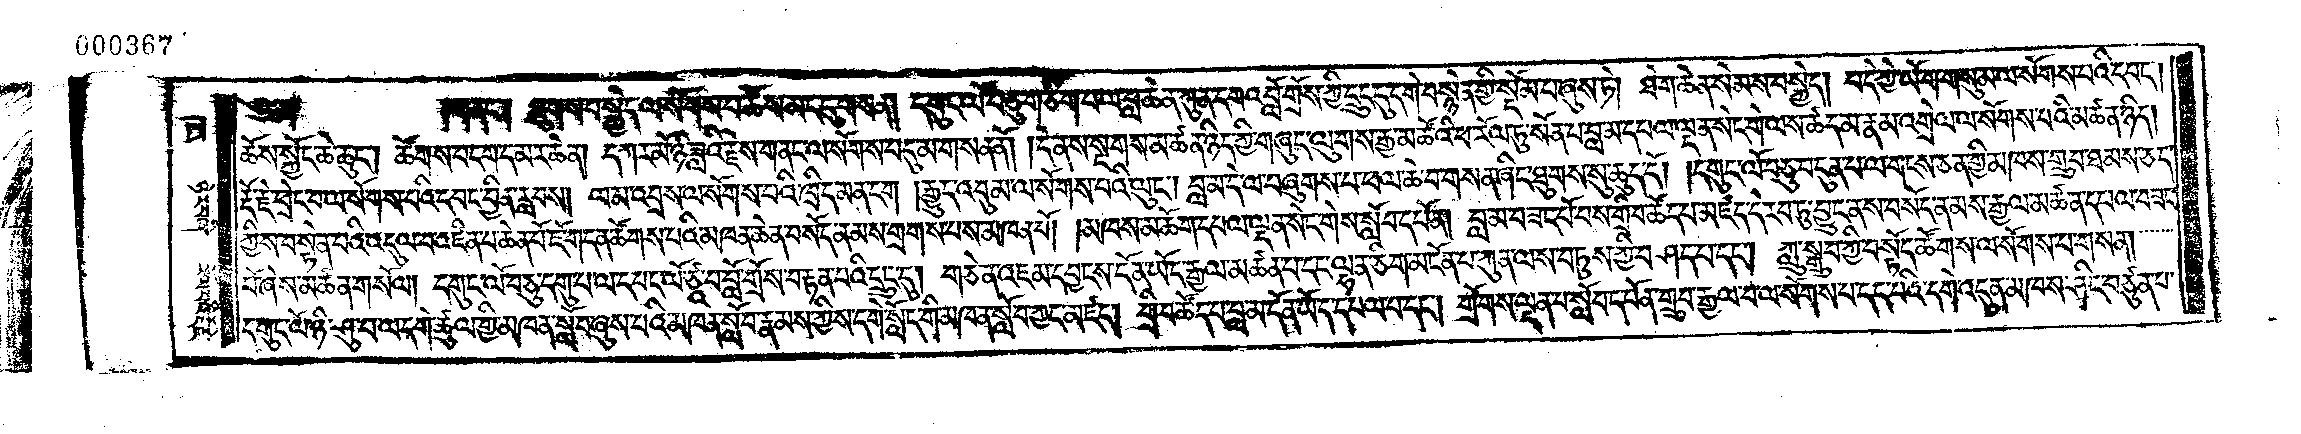༄༅། །གནང་། ཐུགས་བསྐྱེད་ལ་སོགས་པ་ཆོས་མང་དུ་གསན། དགུང་ལོ་བཅུ་གཅིག་པ་ལ་བླ་ཆེན་ཀུན་དགའ་བློ་གྲོས་ཀྱི་དྲུང་དུ་དགེ་བསྙེན་གྱི་སྡོམ་པ་ཞུས་ཏེ། ཐེག་ཆེན་སེམས་བསྐྱེད། བདེ་ཀྱེ་ཡོ་ག་གསུམ་ལ་སོགས་པའི་དབང་།
ཆོས་སྐྱོང་ཆེ་ཆུང་། ཚོགས་བདག་དམར་ཆེན། དཀར་མོ་ཉི་ཟླའི་རྗེས་གནང་ལ་སོགས་པ་དུ་མ་གསན་ནོ། །དེ་ནས་སྔགས་མཚན་ཉིད་ཀྱི་གཞུང་ལུགས་རྒྱ་མཚོའི་ཕ་རོལ་ཏུ་སོན་པ་བླ་མ་དཔལ་ལྡན་སེང་གེ་ལས་ཚད་མ་རྣམ་འགྲེལ་ལ་སོགས་པའི་མཚན་ཉིད།
རྡོ་རྗེ་ཕྲེང་བ་ལ་སོགས་པའི་དབང་བྱིན་རླབས། ལམ་འབྲས་ལ་སོགས་པའི་ཁྲིད་མན་ངག །རྒྱུད་འབུམ་ལ་སོགས་བའི་ལུང་། བླ་མ་དེ་ལ་བཞུགས་པ་ཕལ་ཆེ་བ་གསན་ཞིང་ཐུགས་སུ་ཆུད་དོ། །དགུང་ལོ་བཅུ་བདུན་པ་ལ་གངས་ཅན་གྱི་མཁས་གྲུབ་ཐམས་ཅད་
ཀྱིས་བསྟེན་པའི་འདུལ་བ་འཛིན་པ་ཆེན་པོ་ཇོ་གདན་ཚོགས་པའི་མཁན་ཆེན་བསོད་ནམས་གྲགས་པས་མཁན་པོ། །མཁས་མཆོག་དཔལ་ལྡན་སེང་གེས་སློབ་དཔོན། བླ་མ་བཟང་པོ་བས་གྲིབ་ཚོད་པ་མཛད་དེ་རབ་ཏུ་བྱུང་ནས་བསོད་ནམས་རྒྱལ་མཚན་དཔལ་བཟང་
པོ་ཞེས་མཚན་གསོལ། དགུང་ལོ་བཅུ་དགུ་པ་ལ་དཔང་ལོ་ཙཱ་བ་བློ་གྲོས་བརྟན་པའི་དྲུང་དུ། གཅེན་འཇམ་དབྱངས་དོན་ཡོད་རྒྱལ་མཚན་པ་དང་ལྷན་ཅིག་མངོན་པ་ཀུན་ལས་བཏུས་ཀྱི་བཤད་པ་དང་། ཀླུ་སྒྲུབ་ཀྱི་བསྟོད་ཚོགས་ལ་སོགས་པ་གསན།
དགུང་ལོ་ཉི་ཤུ་བ་ལ་དགེ་ཚུལ་གྱི་མཁན་སློབ་ཞུས་པའི་མཁན་སློབ་རྣམས་ཀྱིས་དགེ་སློང་གི་མཁན་སློབ་ཀྱང་མཛད། གྲིབ་ཚོད་པ་བླ་མ་དོན་ཡོད་དཔལ་བ་དང་། གྲོགས་ལྡན་པ་སློབ་དཔོན་གྲུབ་རྒྱལ་བ་ལ་སོགས་པ་དད་པའི་དགེ་འདུན་མཁས་ཤིང་བཙུན་པ་